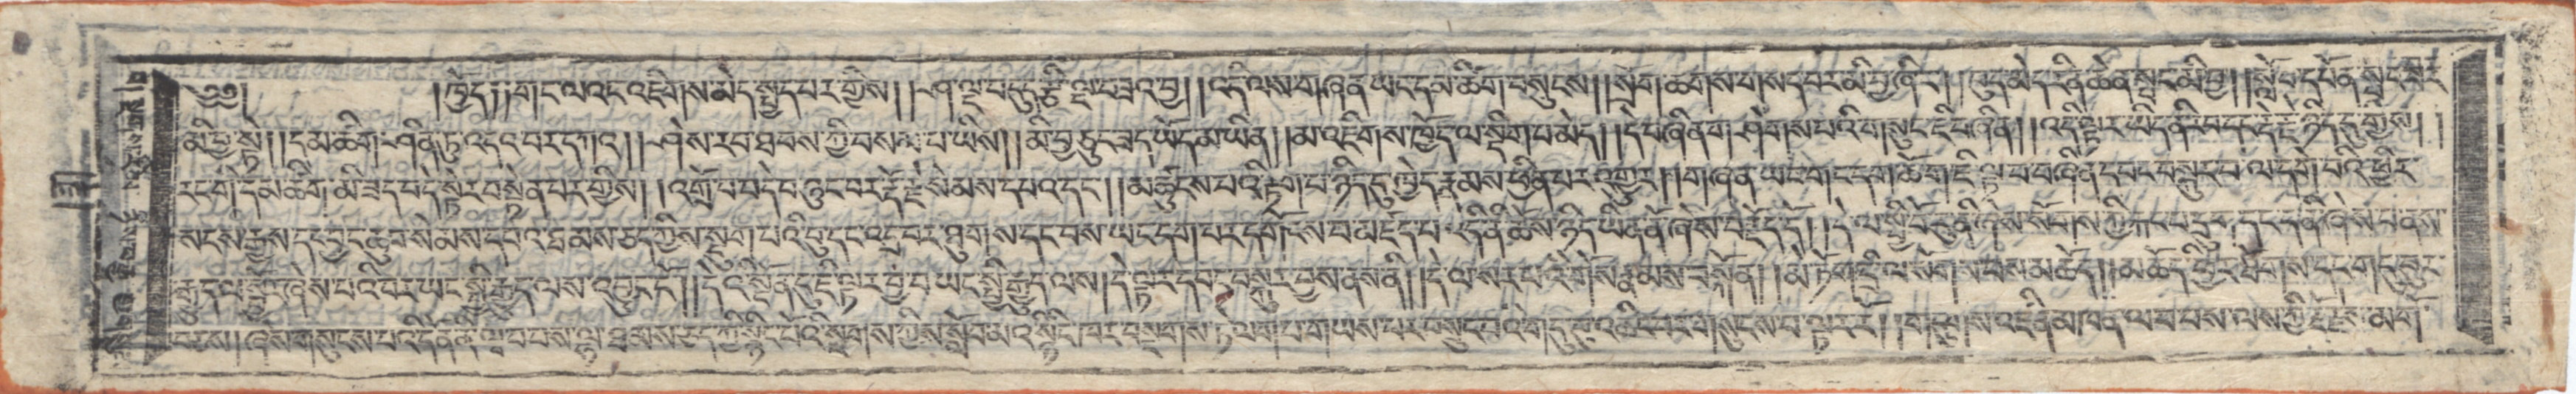༄༅། །ཁྱོད༑ ༑གང་ལའང་འཇིགས་མེད་སྤྱད་པར་གྱིས། །ཤ་ལྔ་བདུད་རྩི་ལྔ་བཟའ་བྱ། །འདི་ལས་གཞན་ཡང་དམ་ཚིག་བསྲུངས། །སྲོག་ཆགས་གསད་བར་མི་བྱ་ཞིང་། །བུད་མེད་རིན་ཆེན་སྤང་མི་བྱ། །སློབ་དཔོན་སྤང་བར་
མི་བྱ་སྟེ། །དམ་ཚིག་ཤིན་ཏུ་འདའ་བར་དཀའ། །ཤེས་རབ་ཐབས་ཀྱི་བསམ་པ་ཡིས། །མི་བྱ་ཅུང་ཟད་ཡོད་མ་ཡིན། །མ་འཇིགས་ཁྱོད་ལ་སྡིག་པ་མེད། །དེ་བཞིན་གཤེགས་པའི་གསུང་ཇི་བཞིན། །འདི་ལྟར་ཡིད་ནི་རབ་དང་རྡོ་རྗེ་ཉིད་དུ་གྱིས། །
རང་གི་དམ་ཚིག་མི་ཟད་བདེ་སྟེར་བསྟེན་པར་གྱིས། །འགྲོ་བ་བདེ་བ་ཉུང་བར་རྡོ་རྗེ་སེམས་དཔའ་དང་། །མཚུངས་པའི་རྟག་པ་ཉིད་དུ་ཁྱེད་རྣམས་ཕྱིན་པར་འགྱུར། །གཞན་ཡང་གང་དག་ཆོ་ག་ཇི་ལྟ་བ་བཞིན་དབང་བསྐུར་བ་ལ་དགེ་བའི་ཕྱིར་
སངས་རྒྱས་དང་བྱང་ཆུབ་སེམས་དཔའ་ཐམས་ཅད་ཀྱིས་སྡུག་པའི་བུ་དང་འདྲ་བར་ཐུགས་དང་བས་ཡང་དག་པར་དགོངས་པ་མཛད་པ་འདི་ནི་ཆོས་ཉིད་ཡིན་ནོ་ཞེས་བརྗོད་དོ། །དེ་ལ་སྤྱི་བོ་རུ་ནི་ཞེས་སོགས་ཀྱི་རྐང་པ་དྲུག་དང་ད་ནི་ཞེས་པ་ནས་
རྒྱུད་ལ་སྦྱོར་ཞེས་པའི་བར་ཡང་སྤྱི་རྒྱུད་ལས་འབྱུང་ངོ། །དེའི་སྔོན་དུ་ཇི་ལྟར་བྱ་བ་ཡང་སྤྱི་རྒྱུད་ལས། དེ་ལྟར་དབང་བསྐུར་བྱས་ནས་ནི། །དེ་ལ་སར་པའི་གོས་རྣམས་བསྐོན། །མེ་ཏོག་དྲི་ལ་སོགས་པས་མཆོད། །མཆོད་ཕྱིར་ཐོགས་དང་གདུ་བུར་
བཅས། ཞེས་གསུངས་པའི་དོན་ནི་ལྭ་བ་པས་ལྷ་ཐམས་ཅད་ཀྱི་སྙིང་པོའི་སྔགས་ཀྱིས་སློབ་མའི་སྙིང་ཁར་བསྔགས་ཏེ་ལག་པ་གཡས་པར་བསྲུང་བའི་གདུ་བུ་འཆིང་བར་གསུངས་པ་ལྟར་རོ། །གདུགས་འཛིན་མཁན་ལ་བ་པས་ལས་ཀྱི་རྡོ་རྗེས་མགོ་